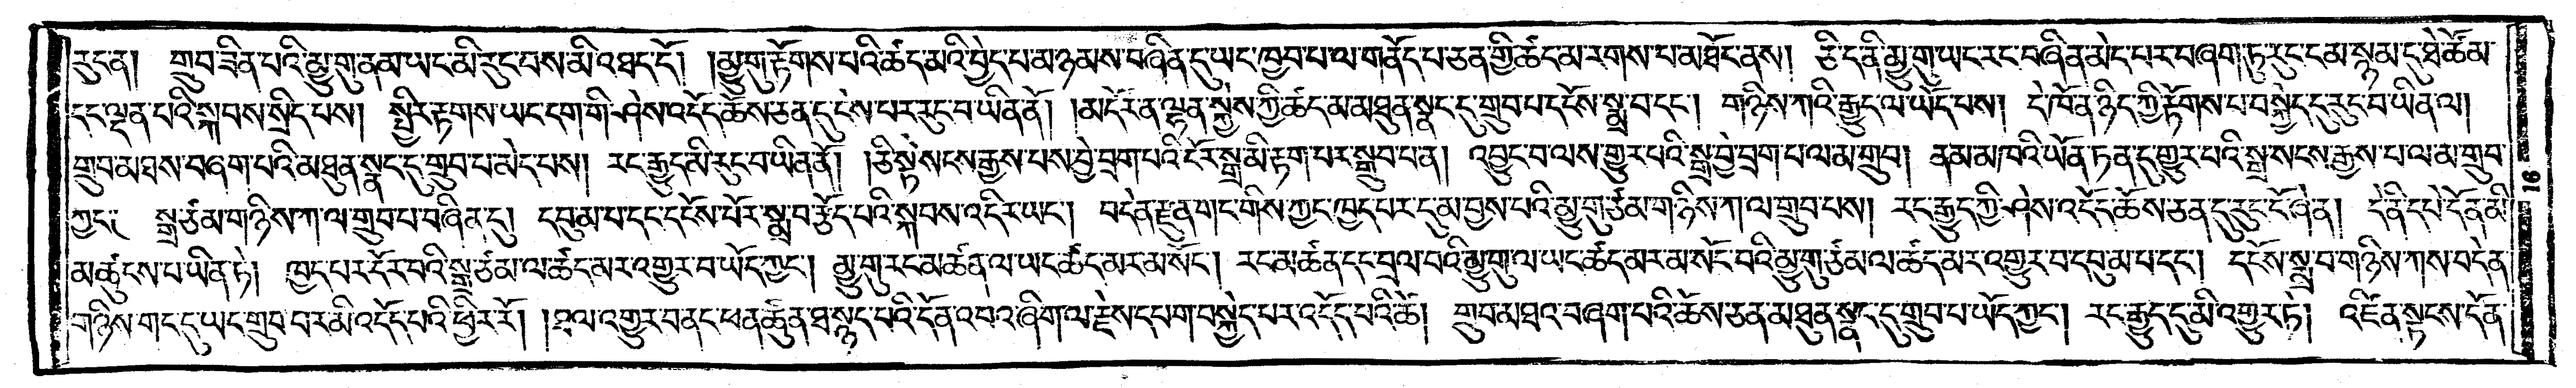རུང་ན། གྲུབ་ཟིན་པའི་མྱུ་གུ་ནམ་ཡང་མི་རུང་བས་མི་འཐད་དོ། །མྱུ་གུ་རྟོགས་པའི་ཚད་མའི་བྱེད་པ་མ་ཉམས་བཞིན་དུ་ཡང་ཁྱབ་པ་ལ་གནོད་པ་ཅན་གྱི་ཚད་མ་རགས་པ་མཐོང་ནས། ཅི་ད་ནི་མྱུ་གུ་ཡང་རང་བཞིན་མེད་པར་བཞག་ཏུ་རུང་ངམ་སྙམ་དུ་ཐེ་ཚོམ་
དང་ལྡན་པའི་སྐབས་སྲིད་པས། སྤྱིར་རྟགས་ཡང་དག་གི་ཤེས་འདོད་ཆོས་ཅན་དུ་ངེས་པར་རུང་བ་ཡིན་ནོ། །མདོར་ན་ལྷན་སྐྱེས་ཀྱི་ཚད་མ་མཐུན་སྣང་དུ་གྲུབ་པ་དངོས་སྨྲ་བ་དང་། གཉིས་ཀའི་རྒྱུད་ལ་ཡོད་པས། དེ་ཁོ་ན་ཉིད་ཀྱི་རྟོགས་པ་བསྐྱེད་དུ་རུང་བ་ཡིན་ལ།
གྲུབ་མཐས་བཞག་པའི་མཐུན་སྣང་དུ་གྲུབ་པ་མེད་པས། རང་རྒྱུད་མི་རུང་བ་ཡིན་ནོ། །ཅི་སྟེ་སངས་རྒྱས་པས་བྱེ་བྲག་པའི་ངོར་སྒྲ་མི་རྟག་པར་སྒྲུབ་པ་ན། འབྱུང་བ་ལས་གྱུར་པའི་སྒྲ་བྱེ་བྲག་པ་ལ་མ་གྲུབ། ནམ་མཁའི་ཡོན་ཏན་དུ་གྱུར་པའི་སྒྲ་སངས་རྒྱས་པ་ལ་མ་གྲུབ་
ཀྱང་། སྒྲ་ཙམ་གཉིས་ཀ་ལ་གྲུབ་པ་བཞིན་དུ། དབུ་མ་པ་དང་དངོས་པོར་སྨྲ་བ་རྩོད་པའི་སྐབས་འདིར་ཡང་། བདེན་རྫུན་གང་གིས་ཀྱང་ཁྱད་པར་དུ་མ་བྱས་པའི་མྱུ་གུ་ཙམ་གཉིས་ཀ་ལ་གྲུབ་པས། རང་རྒྱུད་ཀྱི་ཤེས་འདོད་ཆོས་ཅན་དུ་རུང་ངོ་ཞེ་ན། དེ་ནི་དཔེ་དོན་མི་
མཚུངས་པ་ཡིན་ཏེ། ཁྱད་པར་དོར་བའི་སྒྲ་ཙམ་ལ་ཚད་མར་འགྱུར་བ་ཡོད་ཀྱང་། མྱུ་གུ་རང་མཚན་ལ་ཡང་ཚད་མར་མ་སོང་། རང་མཚན་དང་བྲལ་བའི་མྱུ་གུ་ལ་ཡང་ཚད་མར་མ་སོང་བའི་མྱུ་གུ་ཙམ་ལ་ཚད་མར་འགྱུར་བ་དབུ་མ་པ་དང་། དངོས་སྨྲ་བ་གཉིས་ཀས་བདེན་
གཉིས་གང་དུ་ཡང་གྲུབ་པར་མི་འདོད་པའི་ཕྱིར་རོ། །ཐལ་འགྱུར་བ་ནང་ཕན་ཚུན་ཐ་སྙད་པའི་དོན་འབའ་ཞིག་ལ་རྗེས་དཔག་བསྐྱེད་པར་འདོད་པའི་ཚེ། གྲུབ་མཐའ་བཞག་པའི་ཆོས་ཅན་མཐུན་སྣང་དུ་གྲུབ་པ་ཡོད་ཀྱང་། རང་རྒྱུད་དུ་མི་འགྱུར་ཏེ། འཛིན་སྟངས་དོན་